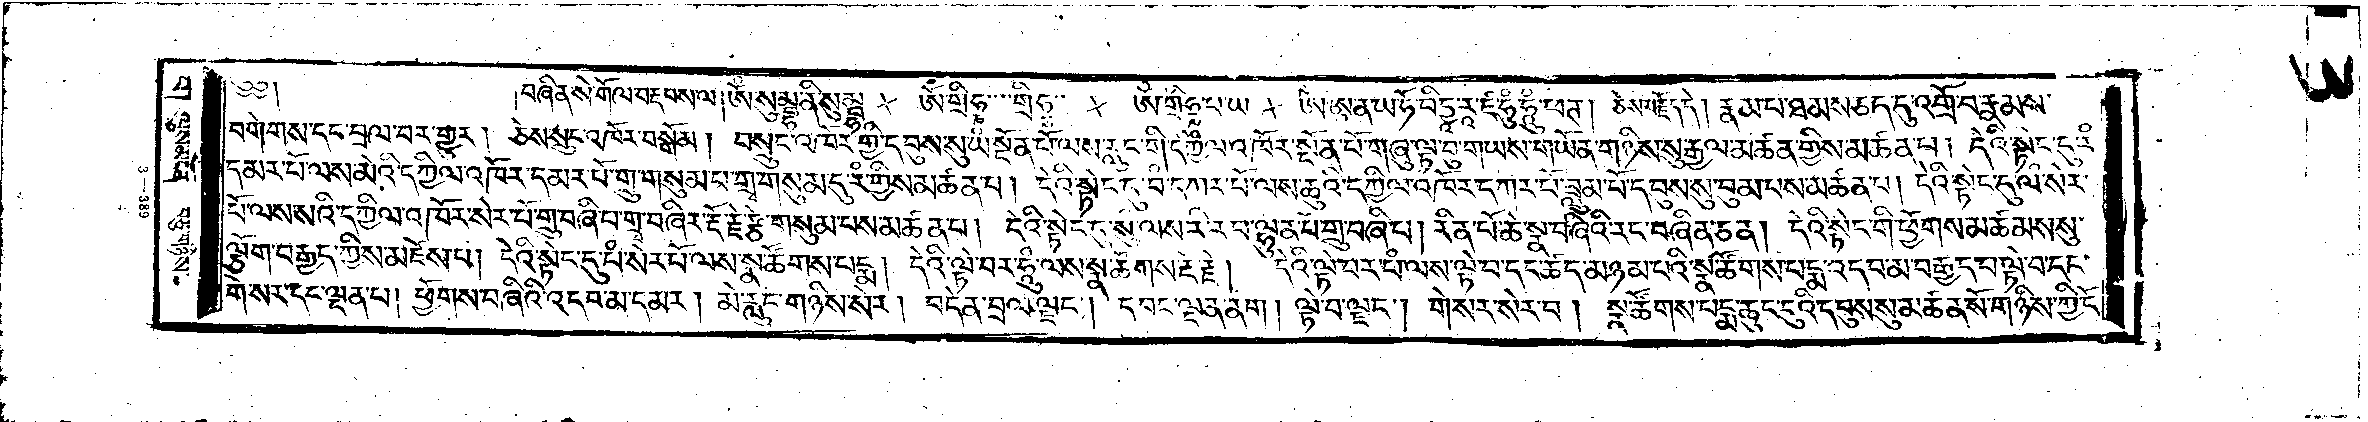༄༅། །བཞིན་སེ་གོལ་བརྡབས་ལ་།ཨོཾ་སུམྦྷ་ནི་སུམྦྷ་྾་ཨོཾ་གྲིཧྞ་གྲིཧྞ་྾་ཨོཾ་གྲིཧྞ་པ་ཡ་྾་ཨི་ཨཱ་ན་ཡ་ཧོ་བིདྱཱ་རཱ་ཛ་ཧཱུཾ་ཧཱུཾ་ཕཊ། ཅེས་བརྗོད་དེ།  རྣམ་པ་ཐམས་ཅད་དུ་འགྲོ་བ་རྣམས་
བགེགས་དང་བྲལ་བར་གྱུར། ཅེས་སྲུང་འཁོར་བསྒོམ། བསྲུང་འཁོར་གྱི་དབུས་སུ་ཡཾ་སྔོན་པོ་ལས་རླུང་གི་དཀྱིལ་འཁོར་སྔོན་པོ་གཞུ་ལྟ་བུ་གཡས་གཡོན་གཉིས་སུ་རྒྱལ་མཚན་གྱིས་མཚན་པ། དེའི་སྟེང་དུ་རཾ་
དམར་པོ་ལས་མེའི་དཀྱིལ་འཁོར་དམར་པོ་གྲུ་གསུམ་པ་གྲྭ་གསུམ་དུ་རཾ་གྱིས་མཚན་པ། དེའི་སྟེང་དུ་བཾ་དཀར་པོ་ལས་ཆུའི་དཀྱིལ་འཁོར་དཀར་པོ་ཟླུམ་པོ་དབུས་སུ་བུམ་པས་མཚན་པ། དེའི་སྟེང་དུ་ལཾ་སེར་
པོ་ལས་སའི་དཀྱིལ་འཁོར་སེར་པོ་གྲུ་བཞི་པ་གྲྭ་བཞིར་རྡོ་རྗེ་རྩེ་གསུམ་པས་མཚན་པ། དེའི་སྟེང་དུ་སུ་ལས་རི་རབ་ལྷུན་པོ་གྲུ་བཞི་པ། རིན་པོ་ཆེ་སྣ་བཞིའི་རང་བཞིན་ཅན། དེའི་སྟེང་གི་ཕྱོགས་མཚམས་སུ་
ལྕོག་བརྒྱད་ཀྱིས་མཛེས་པ། དེའི་སྟེང་དུ་པཾ་སེར་པོ་ལས་སྣ་ཚོགས་པདམ། དེའི་ལྟེ་བར་ཧཱུཾ་ལས་སྣ་ཚོགས་རྡོ་རྗེ། དེའི་ལྟེ་བར་པཾ་ལས་ལྟེ་བ་དང་ཚད་མཉམ་པའི་སྣ་ཚོགས་པདམ་འདབ་མ་བརྒྱད་པ་ལྟེ་བ་དང་
གེ་སར་དང་ལྡན་པ། ཕྱོགས་བཞིའི་འདབ་མ་དམར། མེ་རླུང་གཉིས་སེར། བདེན་བྲལ་ལྗང་། དབང་ལྡན་ནག། ལྟེ་བ་ལྗང་། གེ་སར་སེར་བ། སྣ་ཚོགས་པདམ་ཆུང་དུའི་དབུས་སུ་མཚན་སོ་གཉིས་ཀྱི་ངོ་